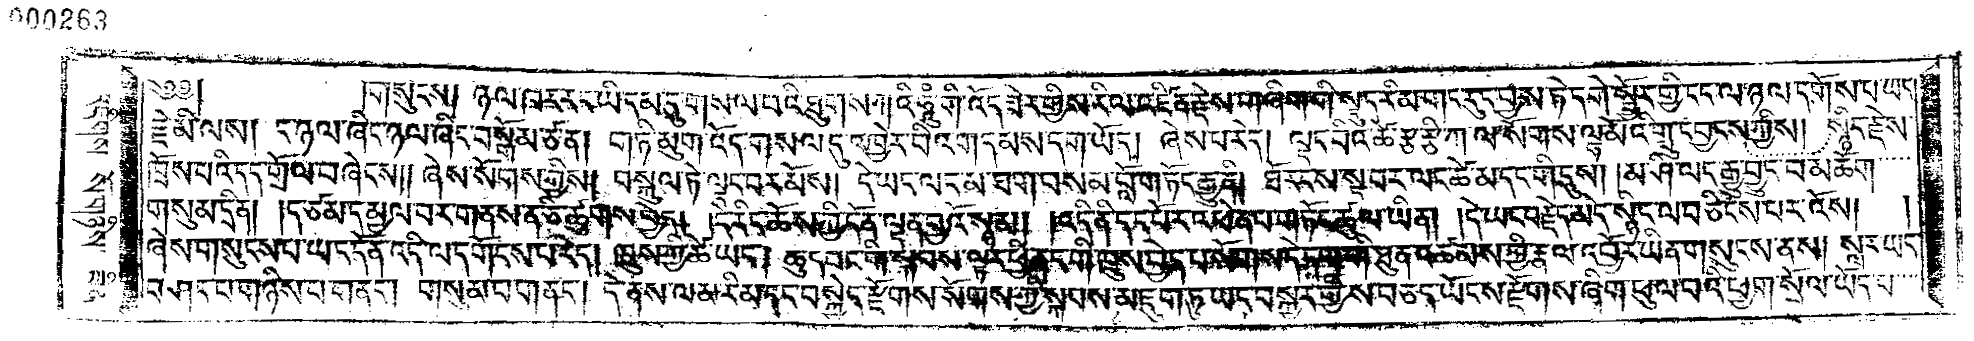༄༅། །གསུངས། ཉལ་ཁར་རང་ཡི་དམ་དུ་གསལ་བའི་ཐུགས་ཀའི་ཧཱུཾ་གི་འོད་ཟེར་གྱིས་རིལ་འཛིན་རྗེས་གཞིག་གི་སྡུད་རིམ་གང་རུང་བྱས་ཏེ་དགེ་སྦྱོར་གྱི་ངང་ལ་ཉལ་དགོས་པ་ཡང་
རྗེ་མི་ལས། ང་ཉལ་ཞིང་ཉལ་ཞིང་བསྒོམ་ཙ་ན། གཏི་མུག་འོད་གསལ་དུ་འཁྱེར་བའི་གདམས་དག་ཡོད། ཞེས་པ་རེད། ལྡང་བའི་ཚེ་རྩ་རྩི་ཀ་ལ་སོགས་ལྷ་མོའི་གླུ་དབྱངས་ཀྱིས། སྙིང་རྗེས་
ཁྲོས་པའི་དད་གྲོལ་བཞེངས། །ཞེས་སོགས་ཀྱིས། བསྐུལ་ཏེ་ལྡང་བར་མོས། དེ་ཡང་ལང་མ་ཐག་བསམ་བློ་གཏོང་རྒྱུ་ནི། ཐོ་རངས་སྔ་བར་ལང་ཚེ་མ་དང་གི་དུས། །མ་ཤི་ལང་རྒྱུ་བྱུང་བ་མཆོག་
གསུམ་དྲིན། །ད་ཙམ་དམྱལ་བར་གནས་ན་ཅི་ཚུགས་བྱེད། །དེ་རིང་ཆོས་ཀྱི་དོན་ལྡན་བྱའོ་སྙམ། །འདི་ནི་དང་པོར་འཕེན་པ་གཏོང་ཚུལ་ཡིན། །དེ་ཡང་བརྗེད་མེད་སྙིང་ལ་བཅིངས་པར་འོས། །
ཞེས་གསུངས་པ་ཡང་དོན་འདི་ལ་དགོངས་པ་རེད། ཁྲུས་ཀྱི་ཚེ་ཡང་། ཆུ་དབང་གི་སྐབས་ལྟར་ཕྱི་ནང་གི་ཁྲུས་བྱེད་པ་སོགས་དེ་དག་གི་ཐུན་འཚམས་ཀྱི་རྣལ་འབྱོར་ཡིན་གསུངས་ནས། སླར་ཡང་
བཤད་པ་གཉིས་པ་གནང་། གསུམ་པ་གནང་། དེ་ནས་ལམ་རིམ་དང་བསྐྱེད་རྫོགས་སོགས་ཀྱི་སྐབས་མཇུག་ཏུ་ཡང་བསྐྱར་གྱིས་བཅད་ཡོངས་རྫོགས་ཞིག་ཕུལ་བའི་ཕྱག་སྲོལ་ཡོད་པ་